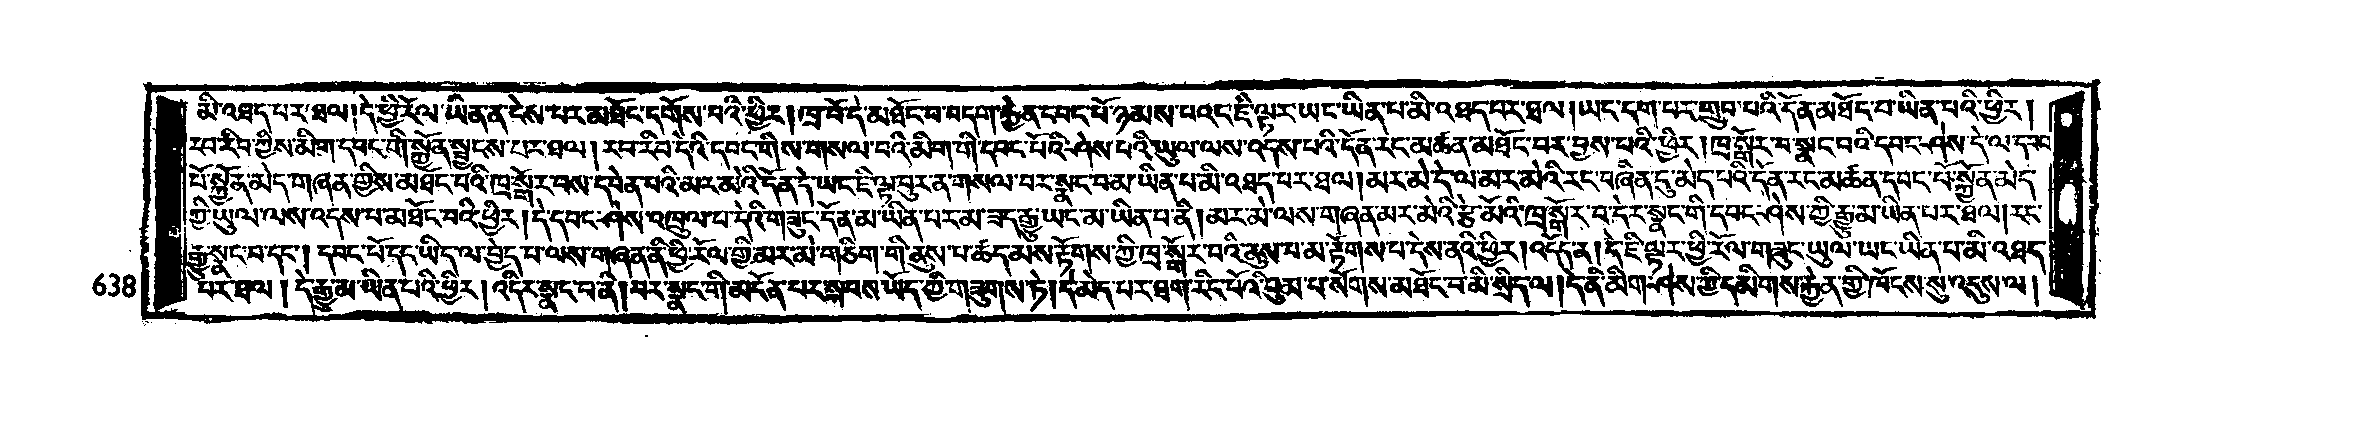མི་འཐད་པར་ཐལ། དེ་ཕྱི་རོལ་ཡིན་ན་ངེས་པར་མཐོང་དགོས་པའི་ཕྱིར། ཁྲ་བོ་དེ་མཐོང་བ་བདག་རྐྱེན་དབང་པོ་ཉམས་པའང་ཇི་ལྟར་ཡང་ཡིན་པ་མི་འཐད་པར་ཐལ། ཡང་དག་པར་གྲུབ་པའི་དོན་མཐོང་བ་ཡིན་པའི་ཕྱིར།
རབ་རིབ་ཀྱིས་མིག་དབང་གི་སྐྱོན་སྦྱངས་པར་ཐལ། རབ་རིབ་དེའི་དབང་གིས་གསལ་བའི་མིག་གི་དབང་པོའི་ཤེས་པའི་ཡུལ་ལས་འདས་པའི་དོན་རང་མཚན་མཐོང་བར་བྱས་པའི་ཕྱིར། ཁྲ་སྒོར་བ་སྣང་བའི་དབང་ཤེས་དེ་ལ་དབབ་
པོ་སྐྱོན་མེད་གཞན་གྱིས་མཐོང་བའི་ཁྲ་སྒེར་བས་དབེན་པའི་མར་མེའི་དོན་དེ་ཡང་ཇི་ལྟ་བུར་ན་གསལ་བར་སྣང་བ་མ་ཡིན་པ་མི་འཐད་པར་ཐལ། མར་མེ་དེ་ལ་མར་མེའི་རང་བཞིན་དུ་མེད་པའི་དོན་རང་མཚན་དབང་པོ་སྐྱོན་མེད་
ཀྱི་ཡུལ་ལས་འདས་པ་མཐོང་བའི་ཕྱིར། དེ་དབང་ཤེས་འཁྲུལ་པ་དེའི་གཟུང་དོན་མ་ཡིན་པར་མ་ཟད་རྒྱུ་ཡང་མ་ཡིན་པ་ནི། མར་མེ་ལས་གཞན་མར་མེའི་རྩེ་མོའི་ཁྲ་སྒོར་བ་དེར་སྣང་གི་དབང་ཤེས་ཀྱི་རྒྱུ་མ་ཡིན་པར་ཐལ། རང་
རྒྱུ་སྣང་བ་དང་། དབང་པོ་དང་ཡིད་ལ་བྱེད་པ་ལས་གཞན་ནི་ཕྱི་རོལ་གྱི་མར་མེ་གཅིག་གི་ནུས་པ་ཚད་མས་རྟོགས་ཀྱི་ཁྲ་སྒོར་བའི་ནུས་པ་མ་རྟོགས་པ་དེས་ནའི་ཕྱིར། འདོད་ན། དེ་ཇི་ལྟར་ཕྱི་རོལ་གཟུང་ཡུལ་ཡང་ཡིན་པ་མི་འཐད་
པར་ཐལ། དེ་རྒྱུ་མ་ཡིན་པའི་ཕྱིར། འདིར་སྣང་བ་ནི། བར་སྣང་གི་མངོན་པར་སྐབས་ཡོད་ཀྱི་གཟུགས་ཏེ། དེ་མེད་པར་ཐག་རིང་པོའི་བུམ་པ་སོགས་མཐོང་བ་མི་སྲིད་ལ། དེ་ནི་མིག་ཤེས་ཀྱི་དམིགས་རྐྱེན་གྱི་ཁོངས་སུ་འདུས་ལ།